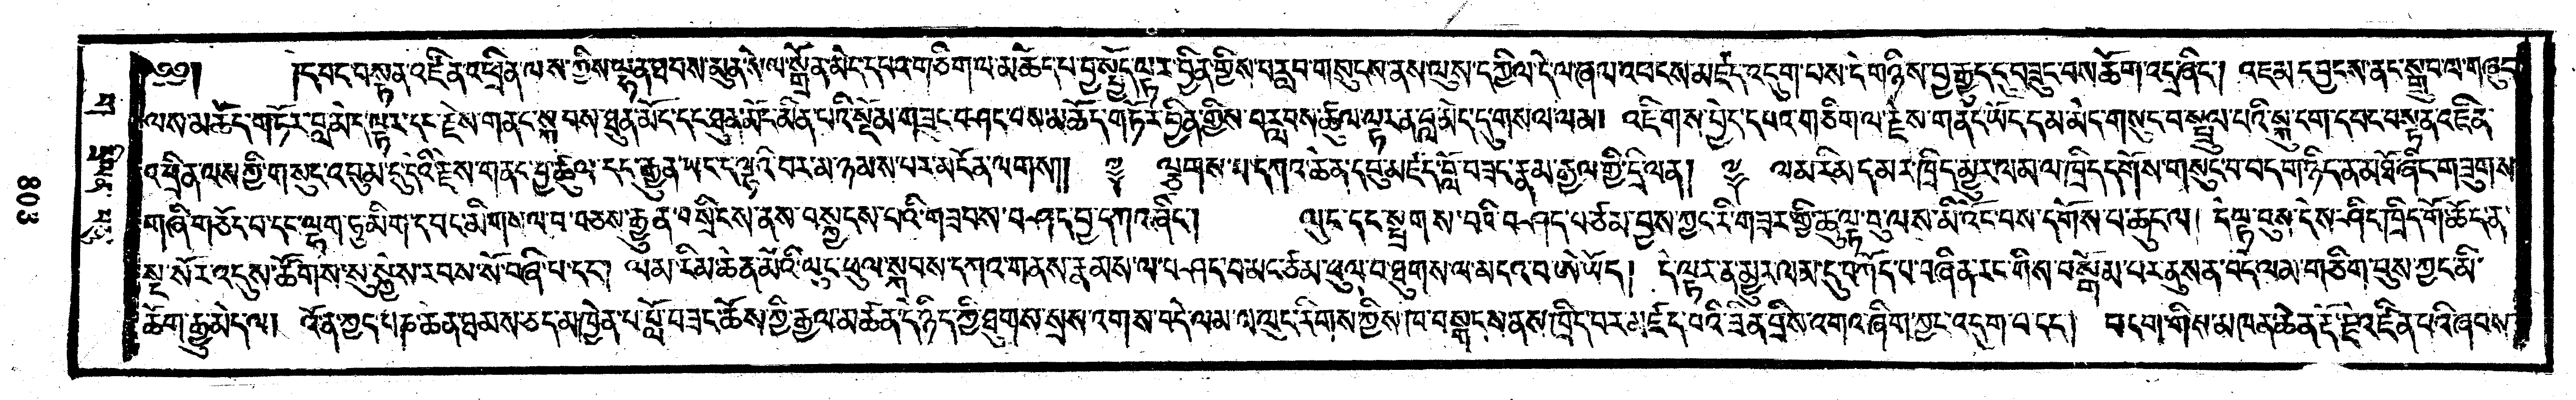༄༅། །དབང་བསྟན་འཛིན་འཕྲིན་ལས་ཀྱིས་ལྷན་ཐབས་མུན་སེལ་སྒྲོན་མེད་དཔའ་གཅིག་ལ་མཆོད་པ་བྱ་སྤྱོད་ལྟར་བྱིན་གྱིས་བརླབ་གསུངས་ནས་ལུས་དཀྱིལ་དེ་ལ་ཞལ་འཕངས་མཛད་འདུག་པས་དེ་གཉིས་བྱ་རྒྱུད་དུ་བཟུང་བས་ཆོག་འདྲ་ཞིང་། འཇམ་དབྱངས་ནང་སྒྲུབ་ལ་གཞུང་
ལས་མཆོད་གཏོར་བླ་མེད་ལྟར་དང་རྗེས་གནང་སྐབས་ཐུན་མོང་དང་ཐུན་མོང་མིན་པའི་སྡོམ་གཟུང་བཤད་བས་མཆོད་གཏོར་བྱིན་གྱིས་བརླབས་ཚུལ་ལྟར་ན་བླ་མེད་དུ་གསལ་ལམ། འཇིགས་བྱེད་དཔའ་གཅིག་ལ་རྗེས་གནང་ཡོད་དམ་མེད་གསུང་བ་སྤྲུལ་པའི་སྐུ་ངག་དབང་བསྟན་འཛིན་
འཕྲིན་ལས་ཀྱི་གསུང་འབུམ་དུ་དེའི་རྗེས་གནང་བྱ་ཚུལ་དང་རྒྱུན་ཡང་ད་ལྷའི་བར་མ་ཉམས་པར་མངོན་ལགས།། ༈ ལྕགས་པ་དཀའ་ཆེན་དབུ་མཛད་བློ་བཟང་རྣམ་རྒྱལ་གྱི་དྲི་ལན། ༈ ལམ་རིམ་དམར་ཁྲིད་མྱུར་ལམ་ལ་ཁྲིད་དགོས་གསུང་བ་བདག་ཉིད་ན་མཐོ་ཞིང་གཟུགས་
གཞི་གཅོད་བ་དང་ལྷག་ཏུ་མིག་དབང་མི་གསལ་བ་བཅས་རྒྱུན་བསྲིངས་ནས་བསྐྱངས་པའི་གཟབས་བཤད་བྱ་དཀའ་ཞིང་། ལུང་དང་སྦྲགས་བའི་བཤད་པ་ཙམ་བྱས་ཀྱང་རི་གཟར་གྱི་ཆུ་ལྟ་བུ་ལས་མི་འོང་བས་དགོས་པ་ཆུང་ལ། དེ་ལྟ་བུས་དེས་ཤིང་ཁྲིད་གོ་ཆོད་ན་
སྔ་སོར་འདུས་ཚོགས་སུ་སྐྱེས་རབས་སོ་བཞི་པ་དང་། ལམ་རིམ་ཆེན་མོའི་ལུང་ཕུལ་སྐབས་དཀའ་གནས་རྣམས་ལ་བཤད་བ་མང་ཙམ་ཕུལ་བ་ཐུགས་ལ་མངའ་བ་ཨེ་ཡོད། དེ་ལྟར་ན་མྱུར་ལམ་དུ་བཀོད་པ་བཞིན་རང་གིས་བསྒོམ་པར་ནུས་ན་བདེ་ལམ་གཅིག་བུས་ཀྱང་མི་
ཆོག་རྒྱུ་མེད་ལ། འོ་ན་ཀྱང་པཎ་ཆེན་ཐམས་ཅད་མཁྱེན་པ་བློ་བཟང་ཆོས་ཀྱི་རྒྱལ་མཚན་དེ་ཉིད་ཀྱི་ཐུགས་སྲས་འགས་བདེ་ལམ་ལ་ལུང་རིགས་ཀྱིས་ཁ་བསྒངས་ནས་ཁྲིད་བར་མཛད་པའི་ཟིན་བྲིས་འགའ་ཞིག་ཀྱང་འདུག་བ་དང་། བདག་གིས་མཁན་ཆེན་རྡོ་རྗེ་འཛིན་པའི་ཞབས་